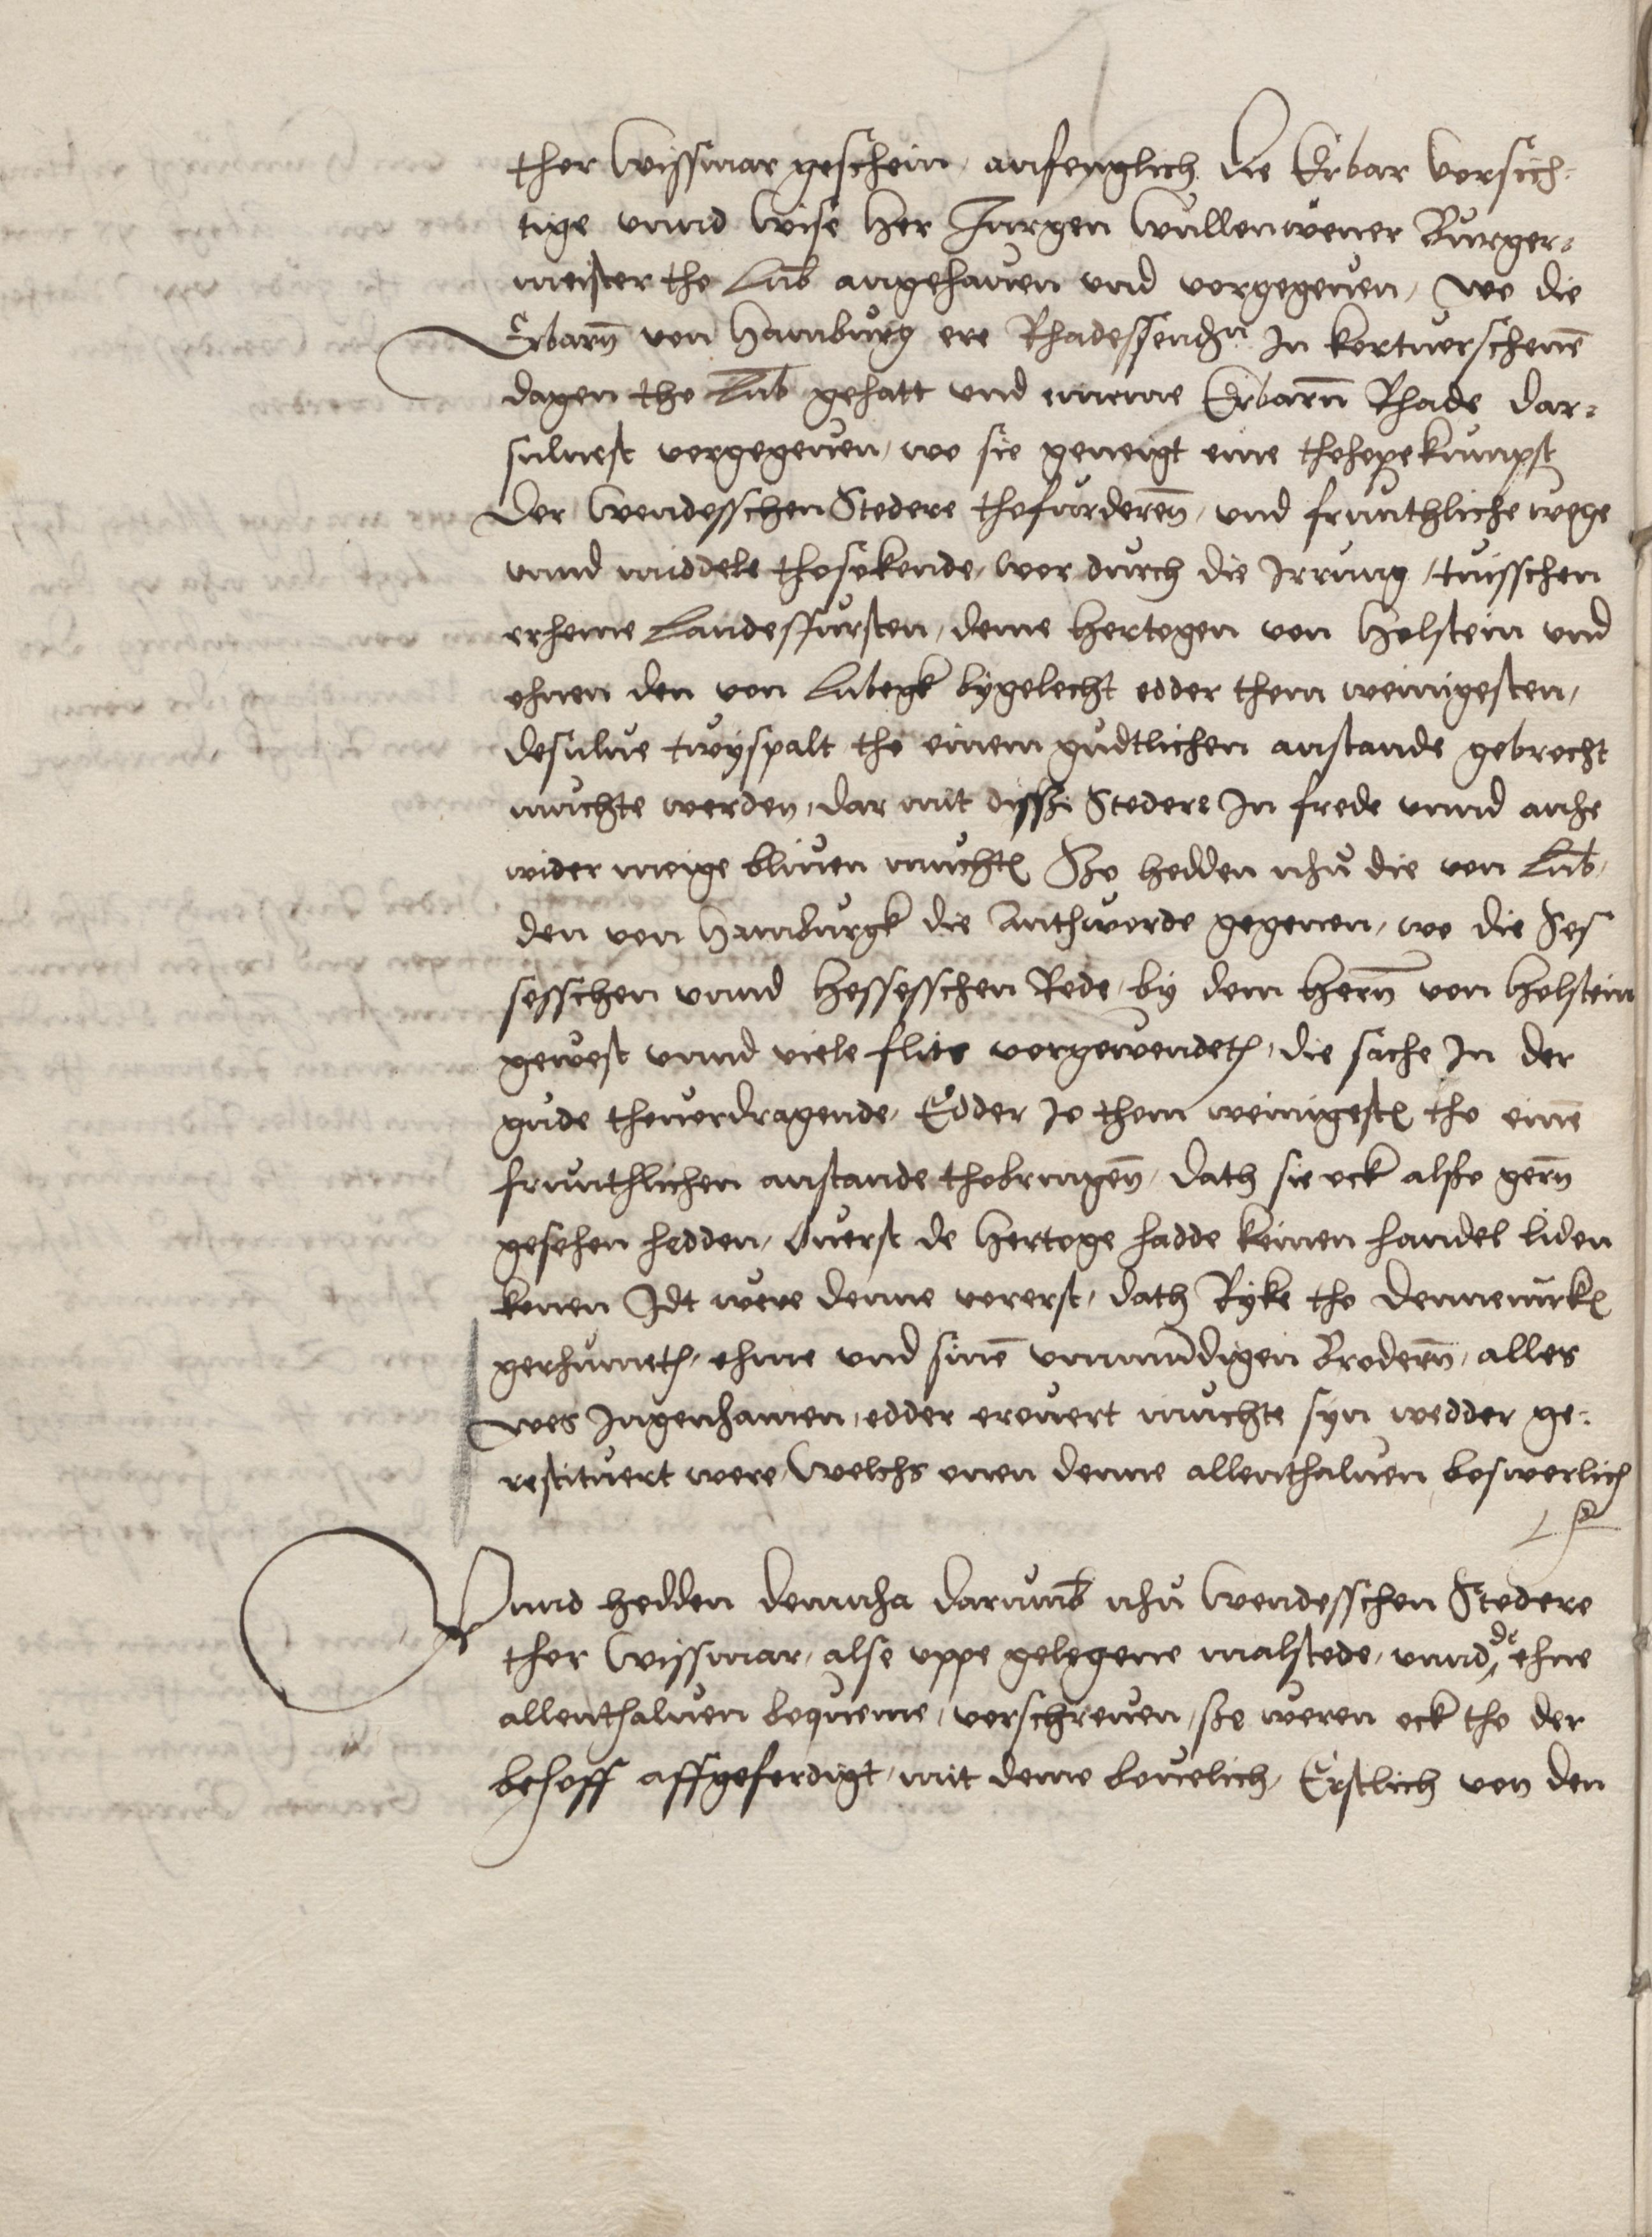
thor Wissmar geschein, anfenglich die Erbar vorsich¬
tige vnnd wise Her Jurgen Wullenweuer Burger¬
meister tho Lubeck angehawen vnd vorgegeuen, wo die
Erbarnn von Hamburg ore Rhadessendeboden in kortuerschenen
dagen tho Lubeck gehatt vnd eineme Erbarnn Rhade dar¬
suluest vorgegeuen, wo sie geneigt eine thohopekumpst
der wendesschen Stedere thofuorderenn, vnd fruntliche wege
vnnd middele thosokende, wor durch die Irrung, tuisschen
erheme Landesfursten, deme Hertogen von Holstein vnd
ehnen den von Lubegk bygelecht edder thom weinigesten,
desulue twispalt tho einem gudtlichen anstande gebracht
muchte werden, dar mit disße Stedere In frede vnnd anhe
wider moige bliuen muchten ßo hedden nhu die von Lubegk,
den von Hamburgk die Antworde gegeuen, wo die Ses
sesschen vnnd Hessesschen Rede, bij dem hernn von Holstein
gewest vnnd viele flite vorgewendeth, die sache In der
gude thouordragende, Edder Jo thom weinigesten tho einem
fruntlichen anstande thobrengenn, dath sie ock also gernn
gesehen hedden, Auerst de Hertoge hadde keinen handel liden
konen Idt were denne vorerst, dath Rijke tho Dennemarke
gerhumeth, ehme vnd sinen vnmunddigen Brodernn, alles
wes ingenhamen, edder erouert muchte syn wedder ge¬
restituert were, Welchs enen denne allenthaluen beswerlich
Vnnd hedden demnha darumb nhu Wendesschen Stedere
thor Wissmar, alse uppe gelegene malstede, vnnd, de ehne
allenthaluen bequeme, vorschreuen, ße weren ock tho der
behoff affgeferdigt, mit deme beuelich, Erstlich von den
